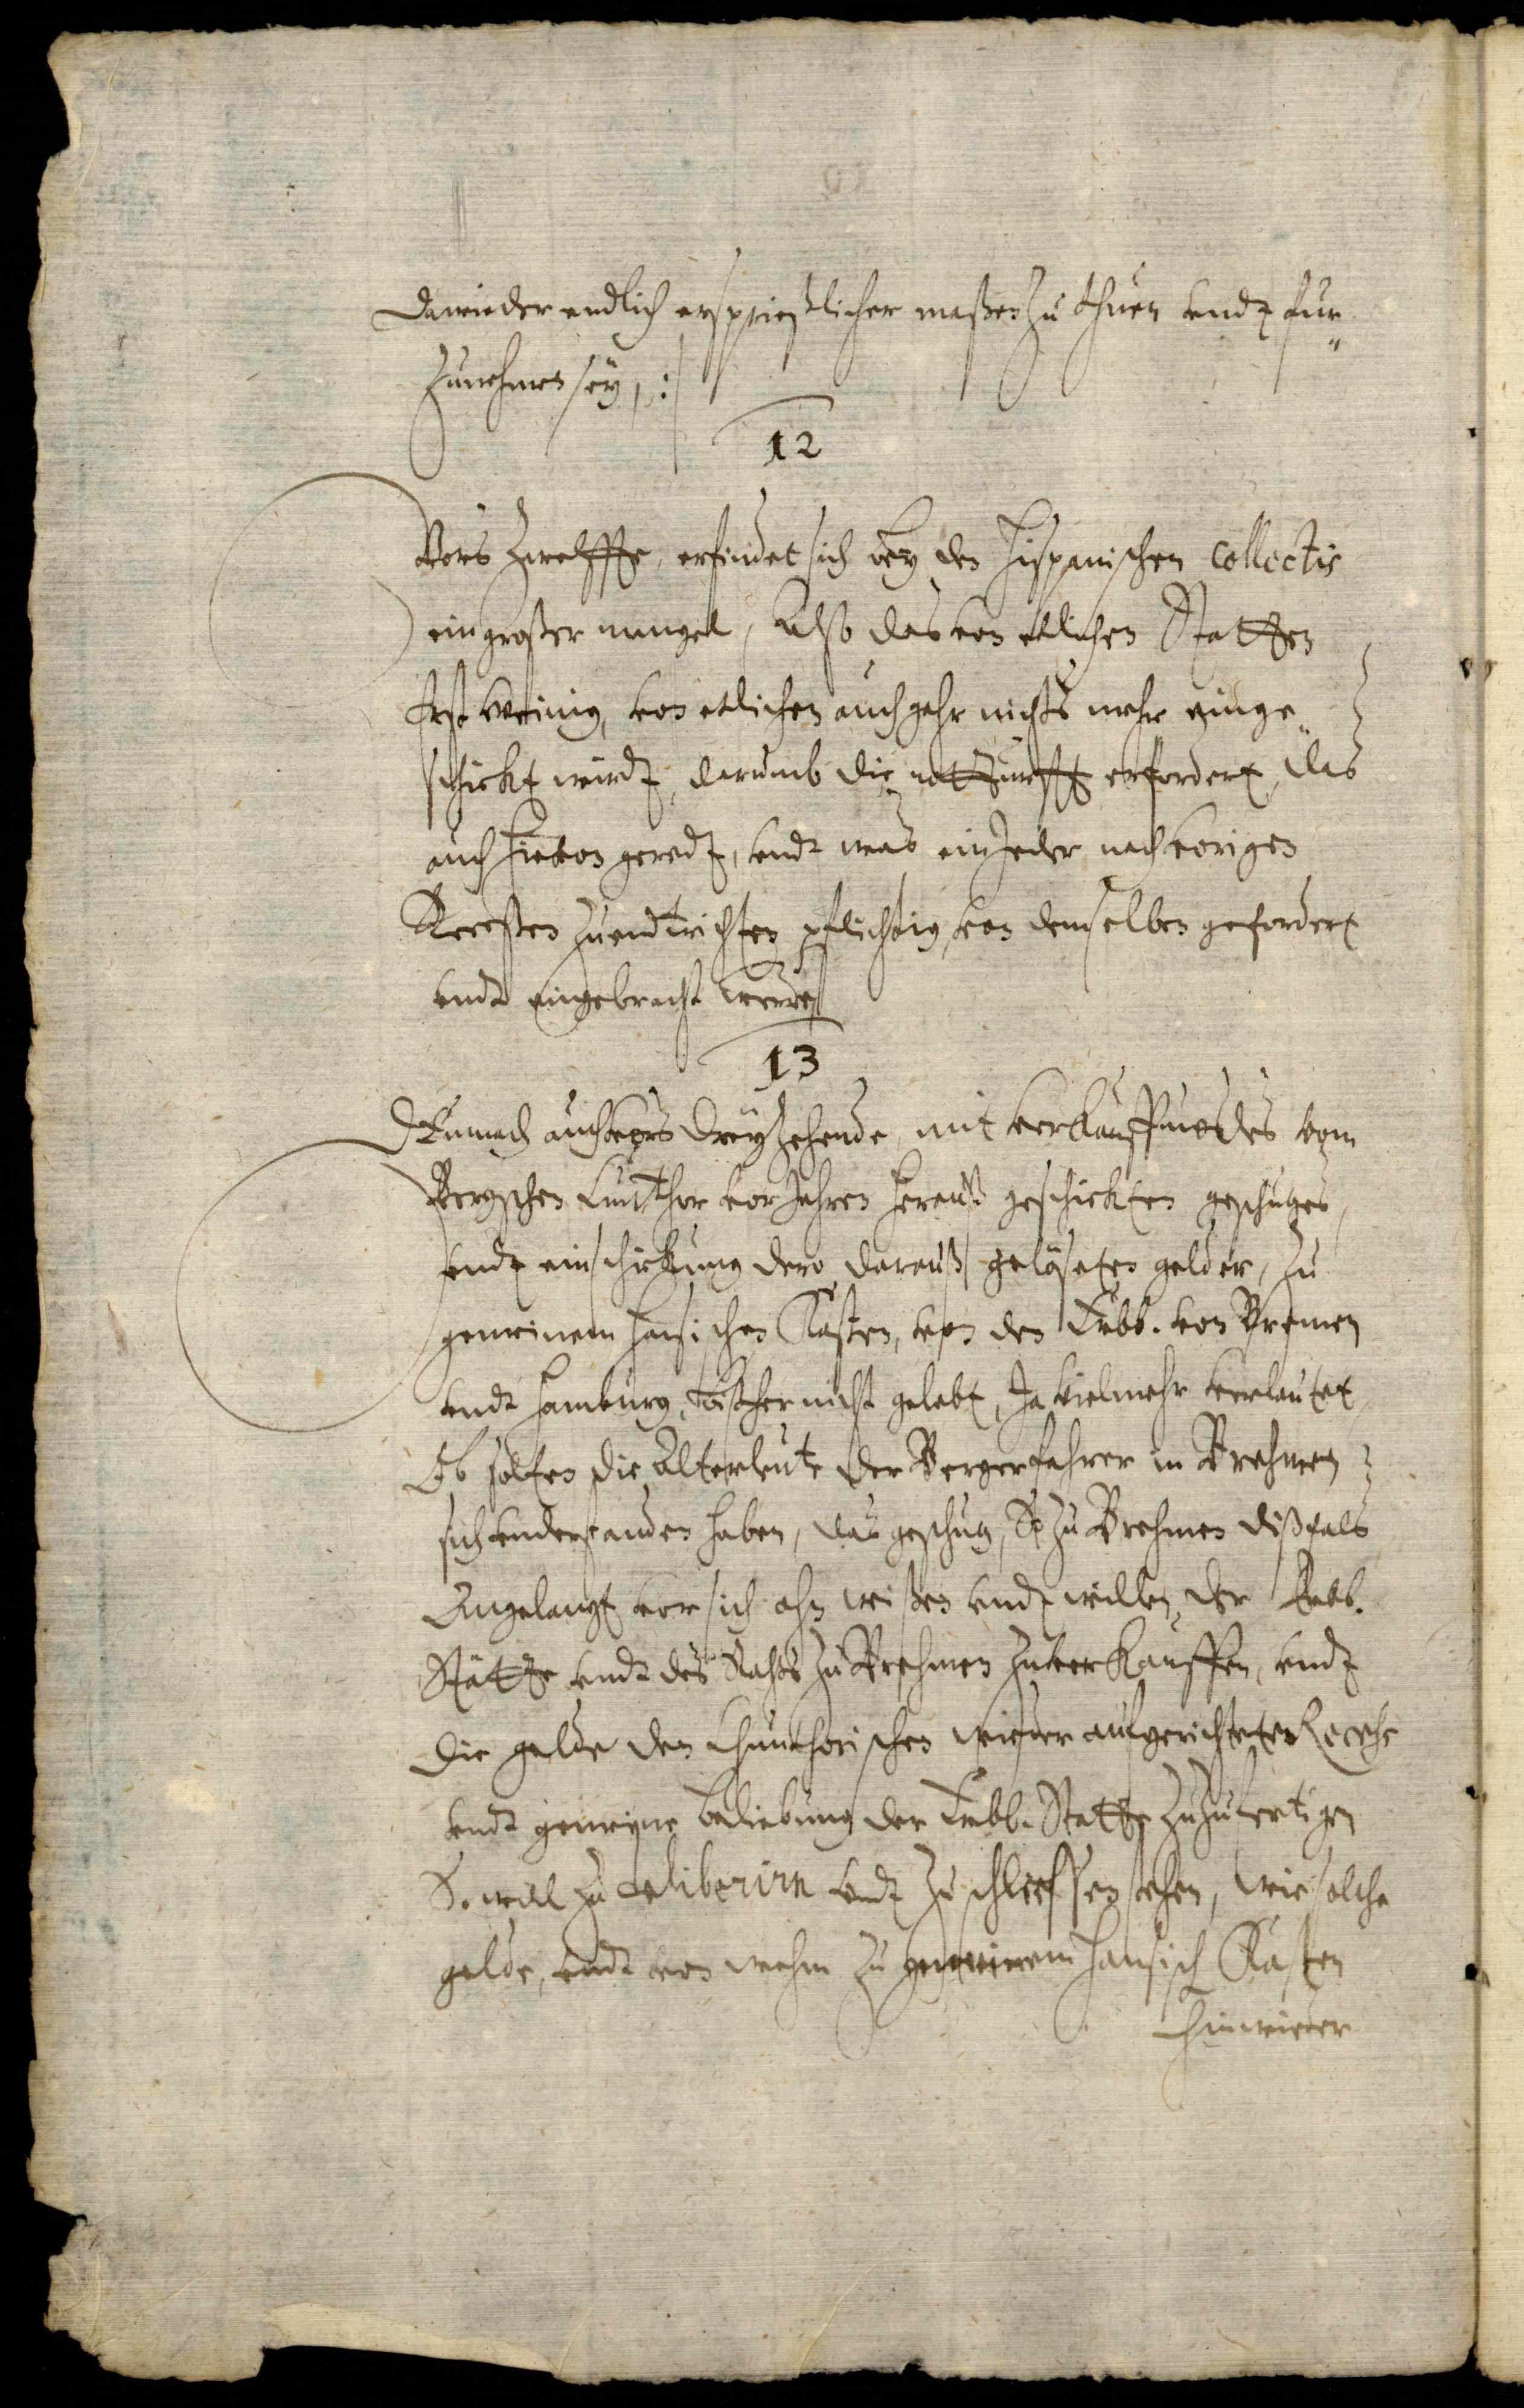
dawieder endlich ersprießlicher maßen zu thuen vndt fur¬
zunehmen seij, :/
12
Vors Zwelffte, erfindet sich beij den hispanischen collectis
ein großer mangel, Also das von etlichen Statten
Erst weinig, von etlichen auch gahr nichts mehr einge¬
schickt wirdt, darumb die notturfft erfordert, das
auch hievon geredt, vndt was ein Jeder nach vorigen
Receßen zu endtrichten pflichtig, von demselben gefordert
vndt eingebracht werde
13
DEmnach auch vors dreijzehende, mit verkauffung des vom
Bergschen Cunthor vor Jahren herauß geschickten geschutzes,
vndt einschickung dero darauß gelöseten gelder, zu
gemeinem hansischen Kasten, von den Erbb. von Bremen
vndt hamburg, bißher nicht gelebt, ja vielmehr verlautet,
Es solten die Alterleute der Bergerfahrer in Brehmen
sich vnderstanden haben, das geschutz, So zu Brehmen dißfals
Angelangt vor sich ohn wißen vndt willen der Erbb.
Stätte vndt des Rahts zu Brehmen zuverkauffen, vndt
die gelde den Chunthorischen wieder aufgerichteten Recess
vndt gemeijne beliebung der Erbb. Statte zuzufertigen
So will zu deliberirn vndt zu schliessen stehen, wie solche
gelde, vndt von wehm zu gemeinem hansischen Kasten
hinwieder
